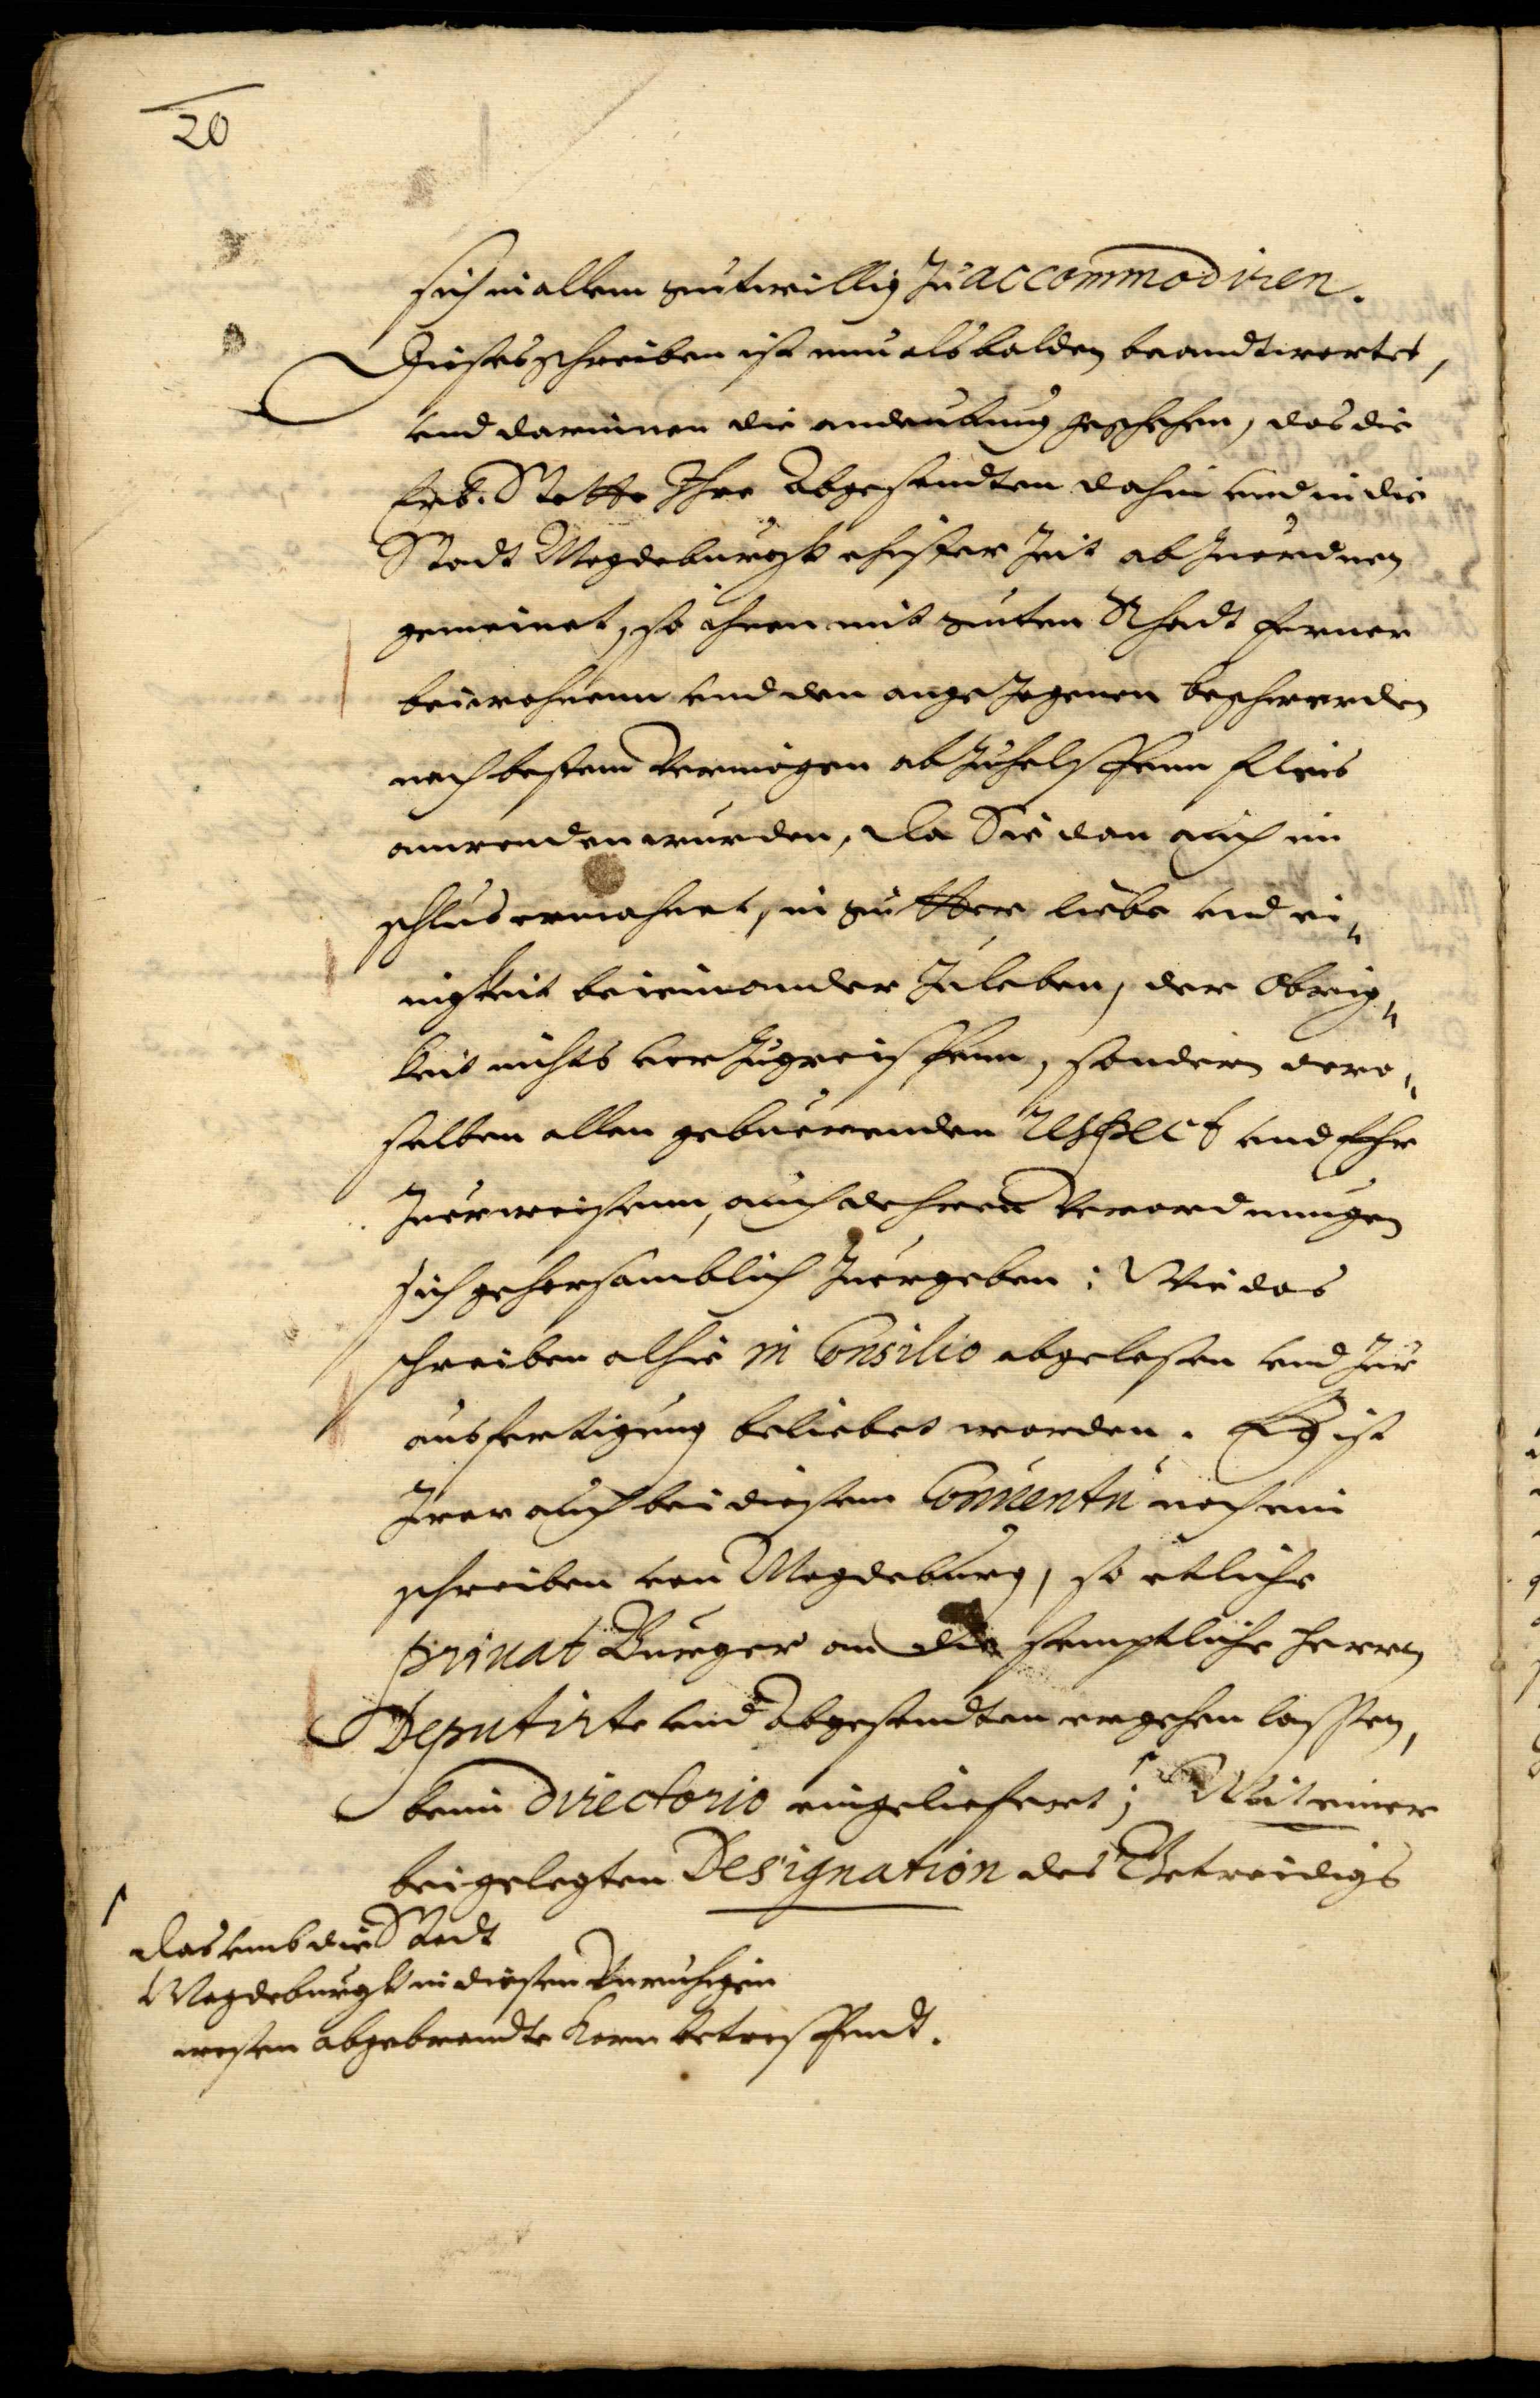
20
*
das vmb die Stadt
Magdebruck in diesen Vnruhigen
wesen abgebrandte korn betreffendt
sich in allem gutwillig zu accommodiren.
Dieses schreiben ist nun als balden beandtwortet,
vnd darinnen die andeutung geschehen, das die
Erb. Stette Ihre Abgesandten dahin vnd in die
Stadt Magdeburgk ehister zeit abzuordnen
gemeinet, so ihnen mit guten Rhadt ferner
beiwohnenn vnd den angezogenen beschwerden
nach bestem Vermögen abzuhelffenn fleis
anwenden wurden, Da Sie dan auch im
schlus ermahnet, in gutter liebe vnd ei¬
nigkeit beieinander zuleben, der Obrig¬
keit nichts vorzugreiffenn, sondern dero¬
selben allen gebuerenden respect vnd Ehr
zuerweisenn, auch dehren Verordnungen
sich gehorsamblich zuergeben: Wie das
schreiben alhie in Consilio abgelesen vnd zur
ausfertigung beliebet worden. Es ist
zwar auch bei diesem Conventu noch ein
schreiben von Magdeburg, so etliche
privat Burger an die semptliche herrn
Deputirte vnd Abgesandten ergehen lassen,
beim Directorio eingeliefert * ; Mit einer
beigelegten Designation des Getreidigs
